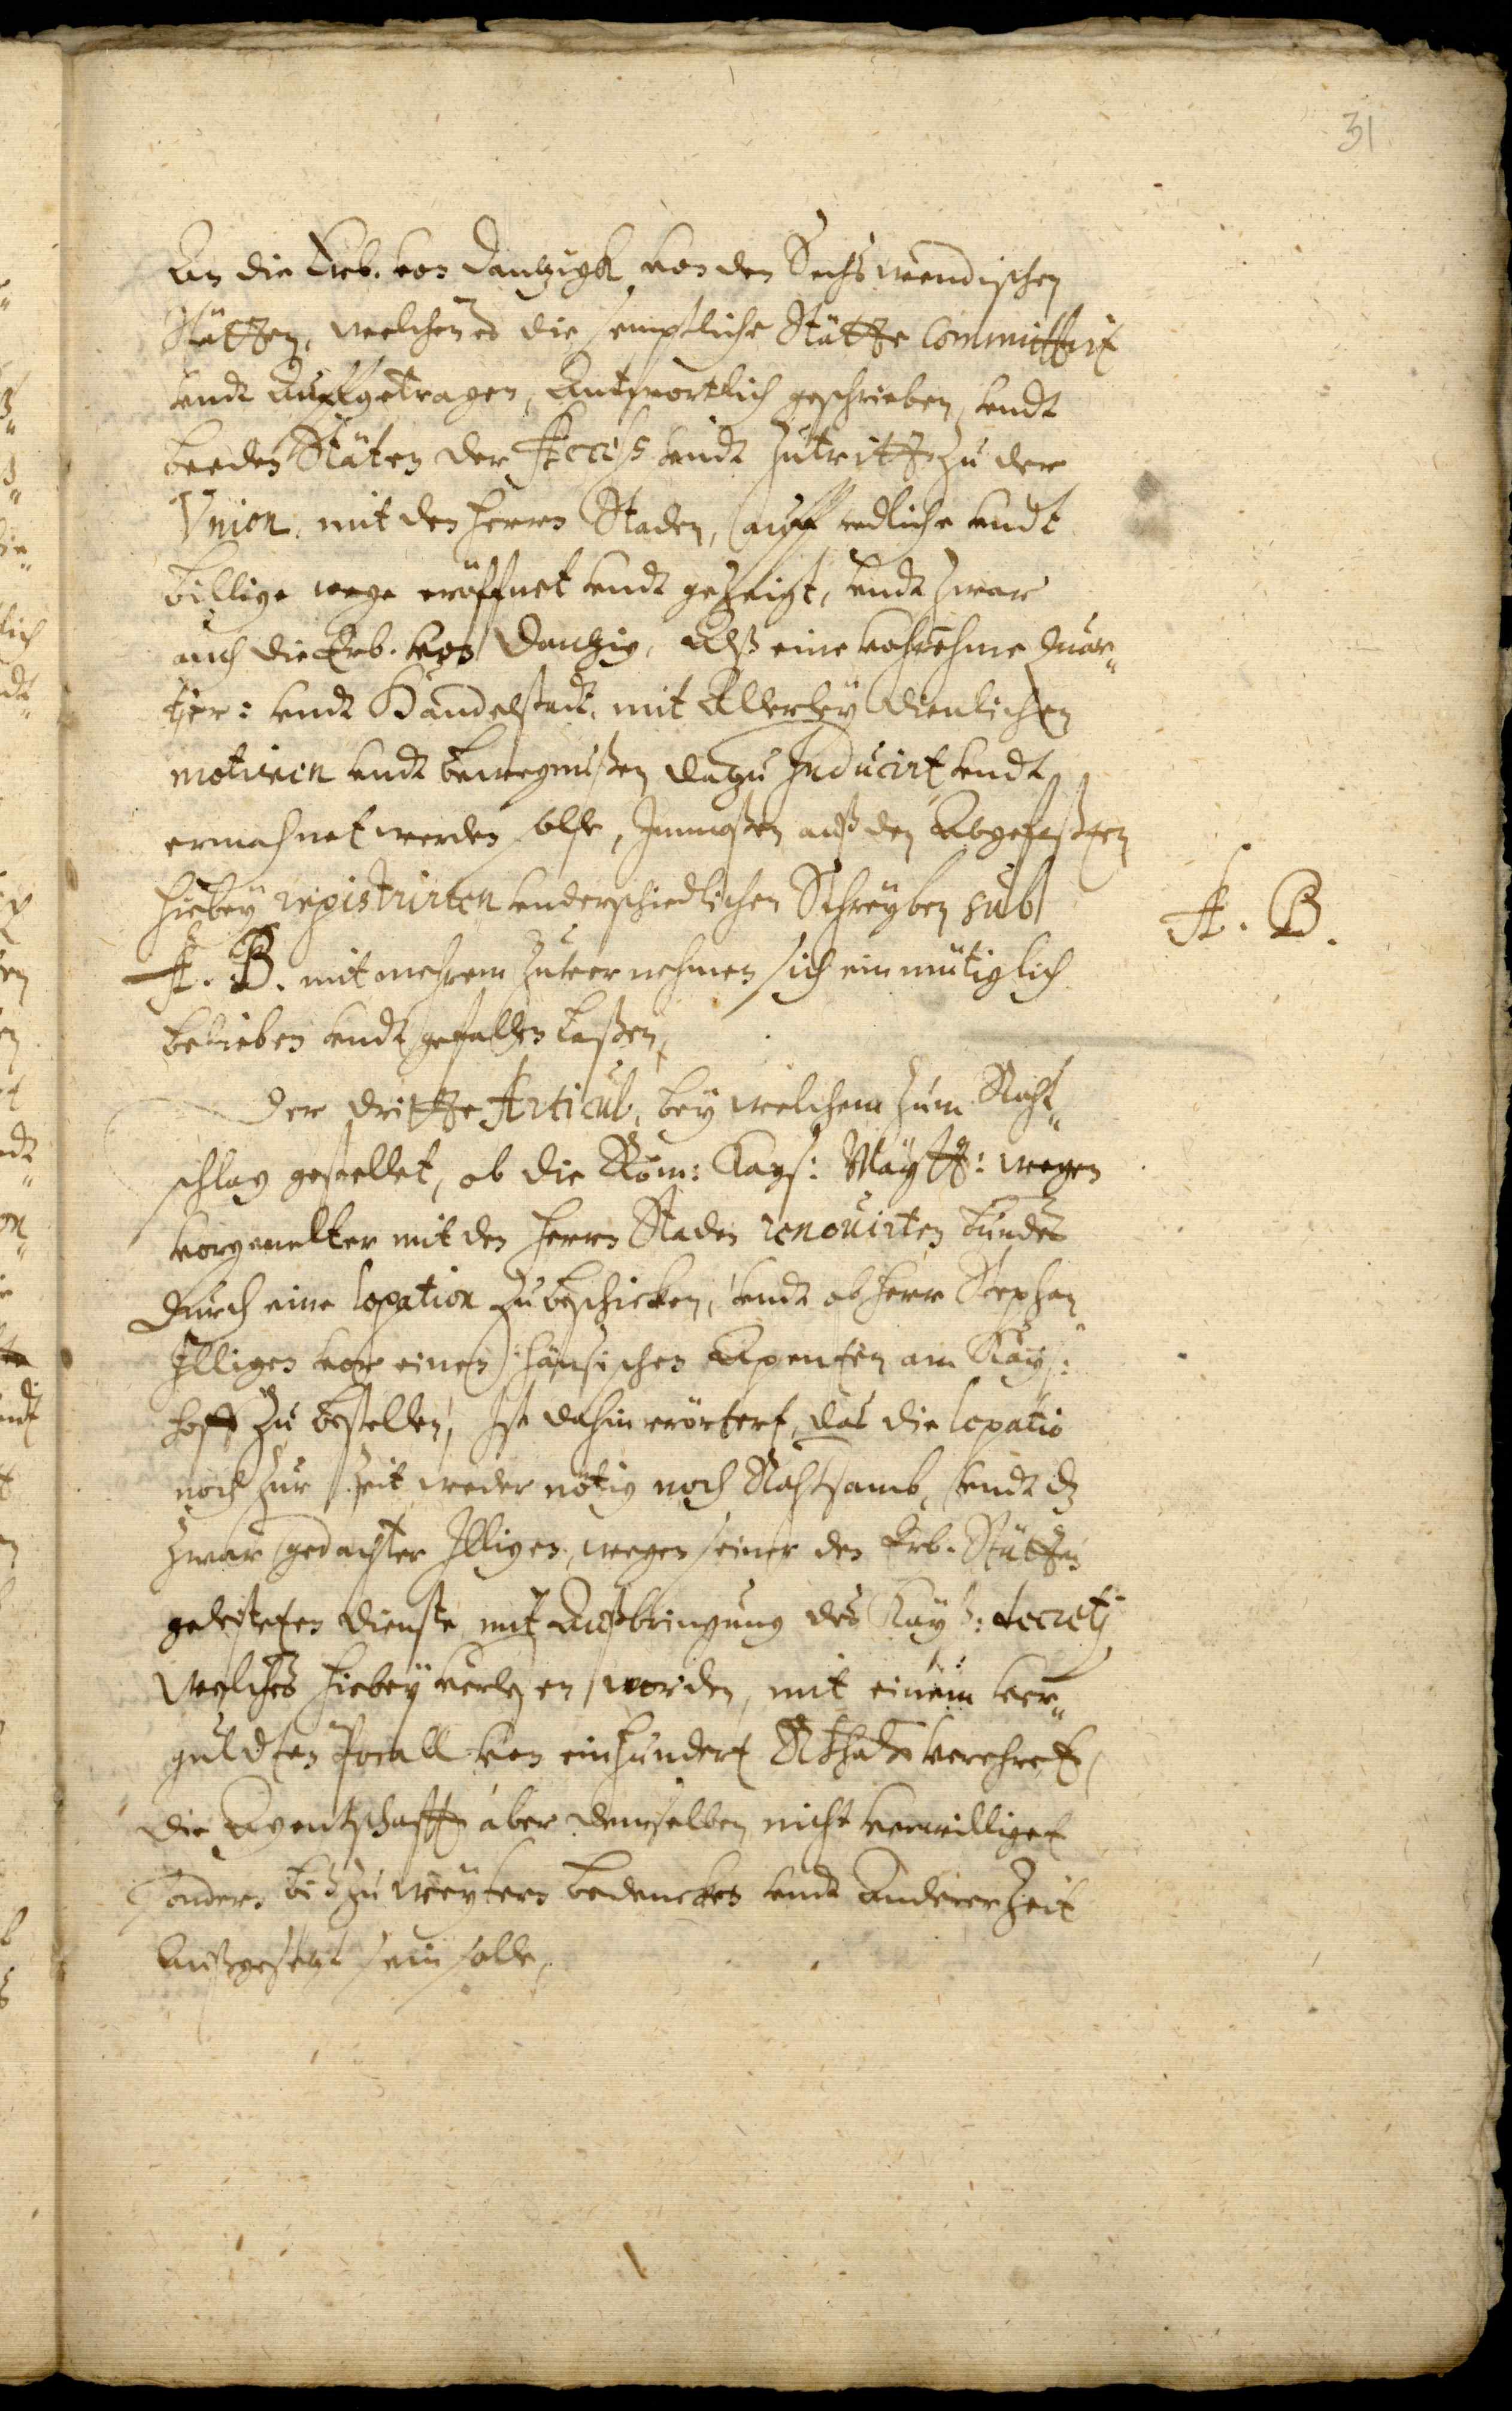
an die Erb. von dantzigk von den Sechs wendischen
Stätten, welchen es die semptliche Stätte committirt
vndt auffgetragen, antwortlich geschrieben, vndt
beeden Stäten der Recess vndt Zutritt zu der
Vnion mit den herrn Staden, auff redliche vndt
billige wege eröffnet vndt gezeigt, vndt zwar
auch die Erb. von Dantzig, alß eine vohrnehme Quar¬
tier: vndt Handelstadt, mit Allerleij dienlichen
motiven vndt bewegnußen dazu Inducirt vndt
ermahnet werden solle, immaßen auß den abgefaßten
hiebeij registrirten vnderschiedlichen Schreijben sub
A. B. mit mehrem zuvernehmen sich ein mütiglich
belieben vndt gefallen laßen,
Der dritte Articul, beij welchem zum Raht¬
schlag gestellet, ob die Röm: Kays: Maijtt: wegen
vorgemelter mit den herrn Staden renovirten bundes
Durch eine Legation zu beschicken, vndt ob herr Stephan
Illigen vor einen hänsischen agenten am Kaij:
hoff Zu bestellen, ist dahin erörtert, das die Legatio
noch Zur Zeit weder nötig noch Rahtsamb, vndt den
zwar gedachter Illigen, wegen seiner den Erb. Stätten
geleisteteten dienste mit außbringung des Kaijß: decreti
welches hiebeij verlesen worden, mit einem ver¬
guldten Pocall von einhundert Rthaler verehret,
die Agentschafft aber demselben nicht verwilliget
sondern bis Zu weijtern bedencken vndt Anderer zeit
Außgesetzt sein solle,
A.B.
